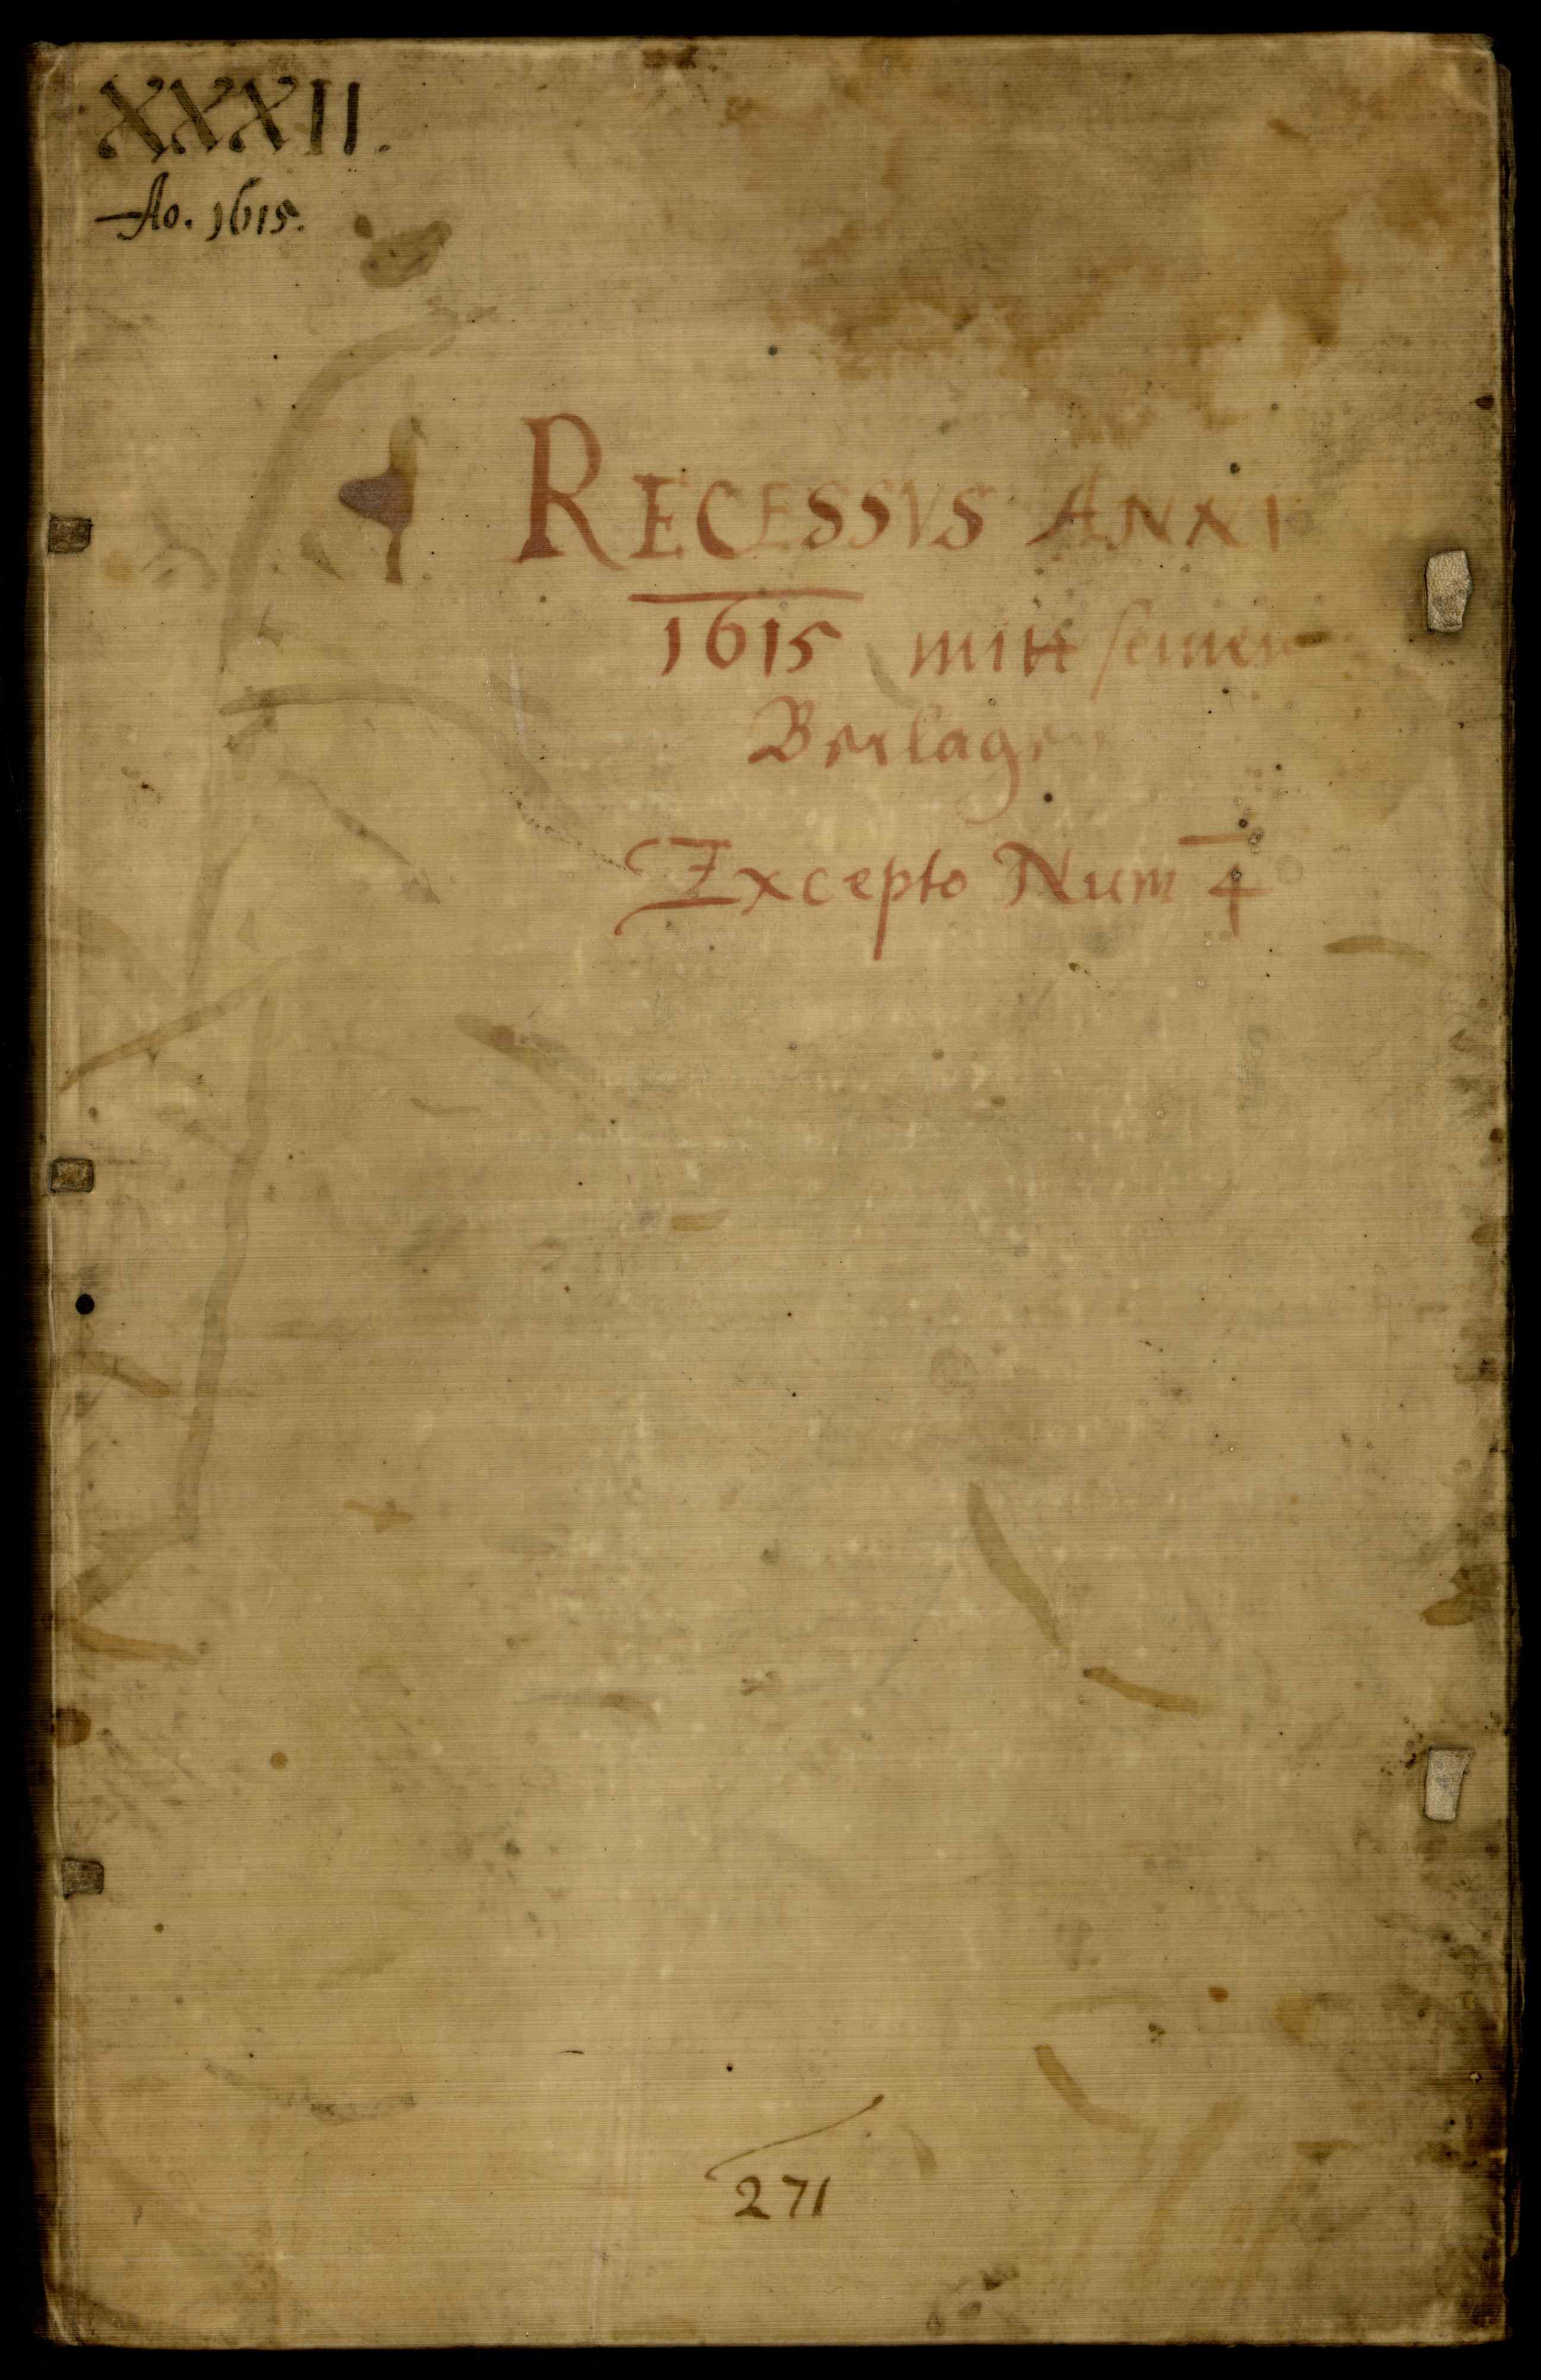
XXXII.
Ao. 1615.
271
RECESSVS ANNI
1615 mitt seinen
Beilagen
Excepto Num 4
